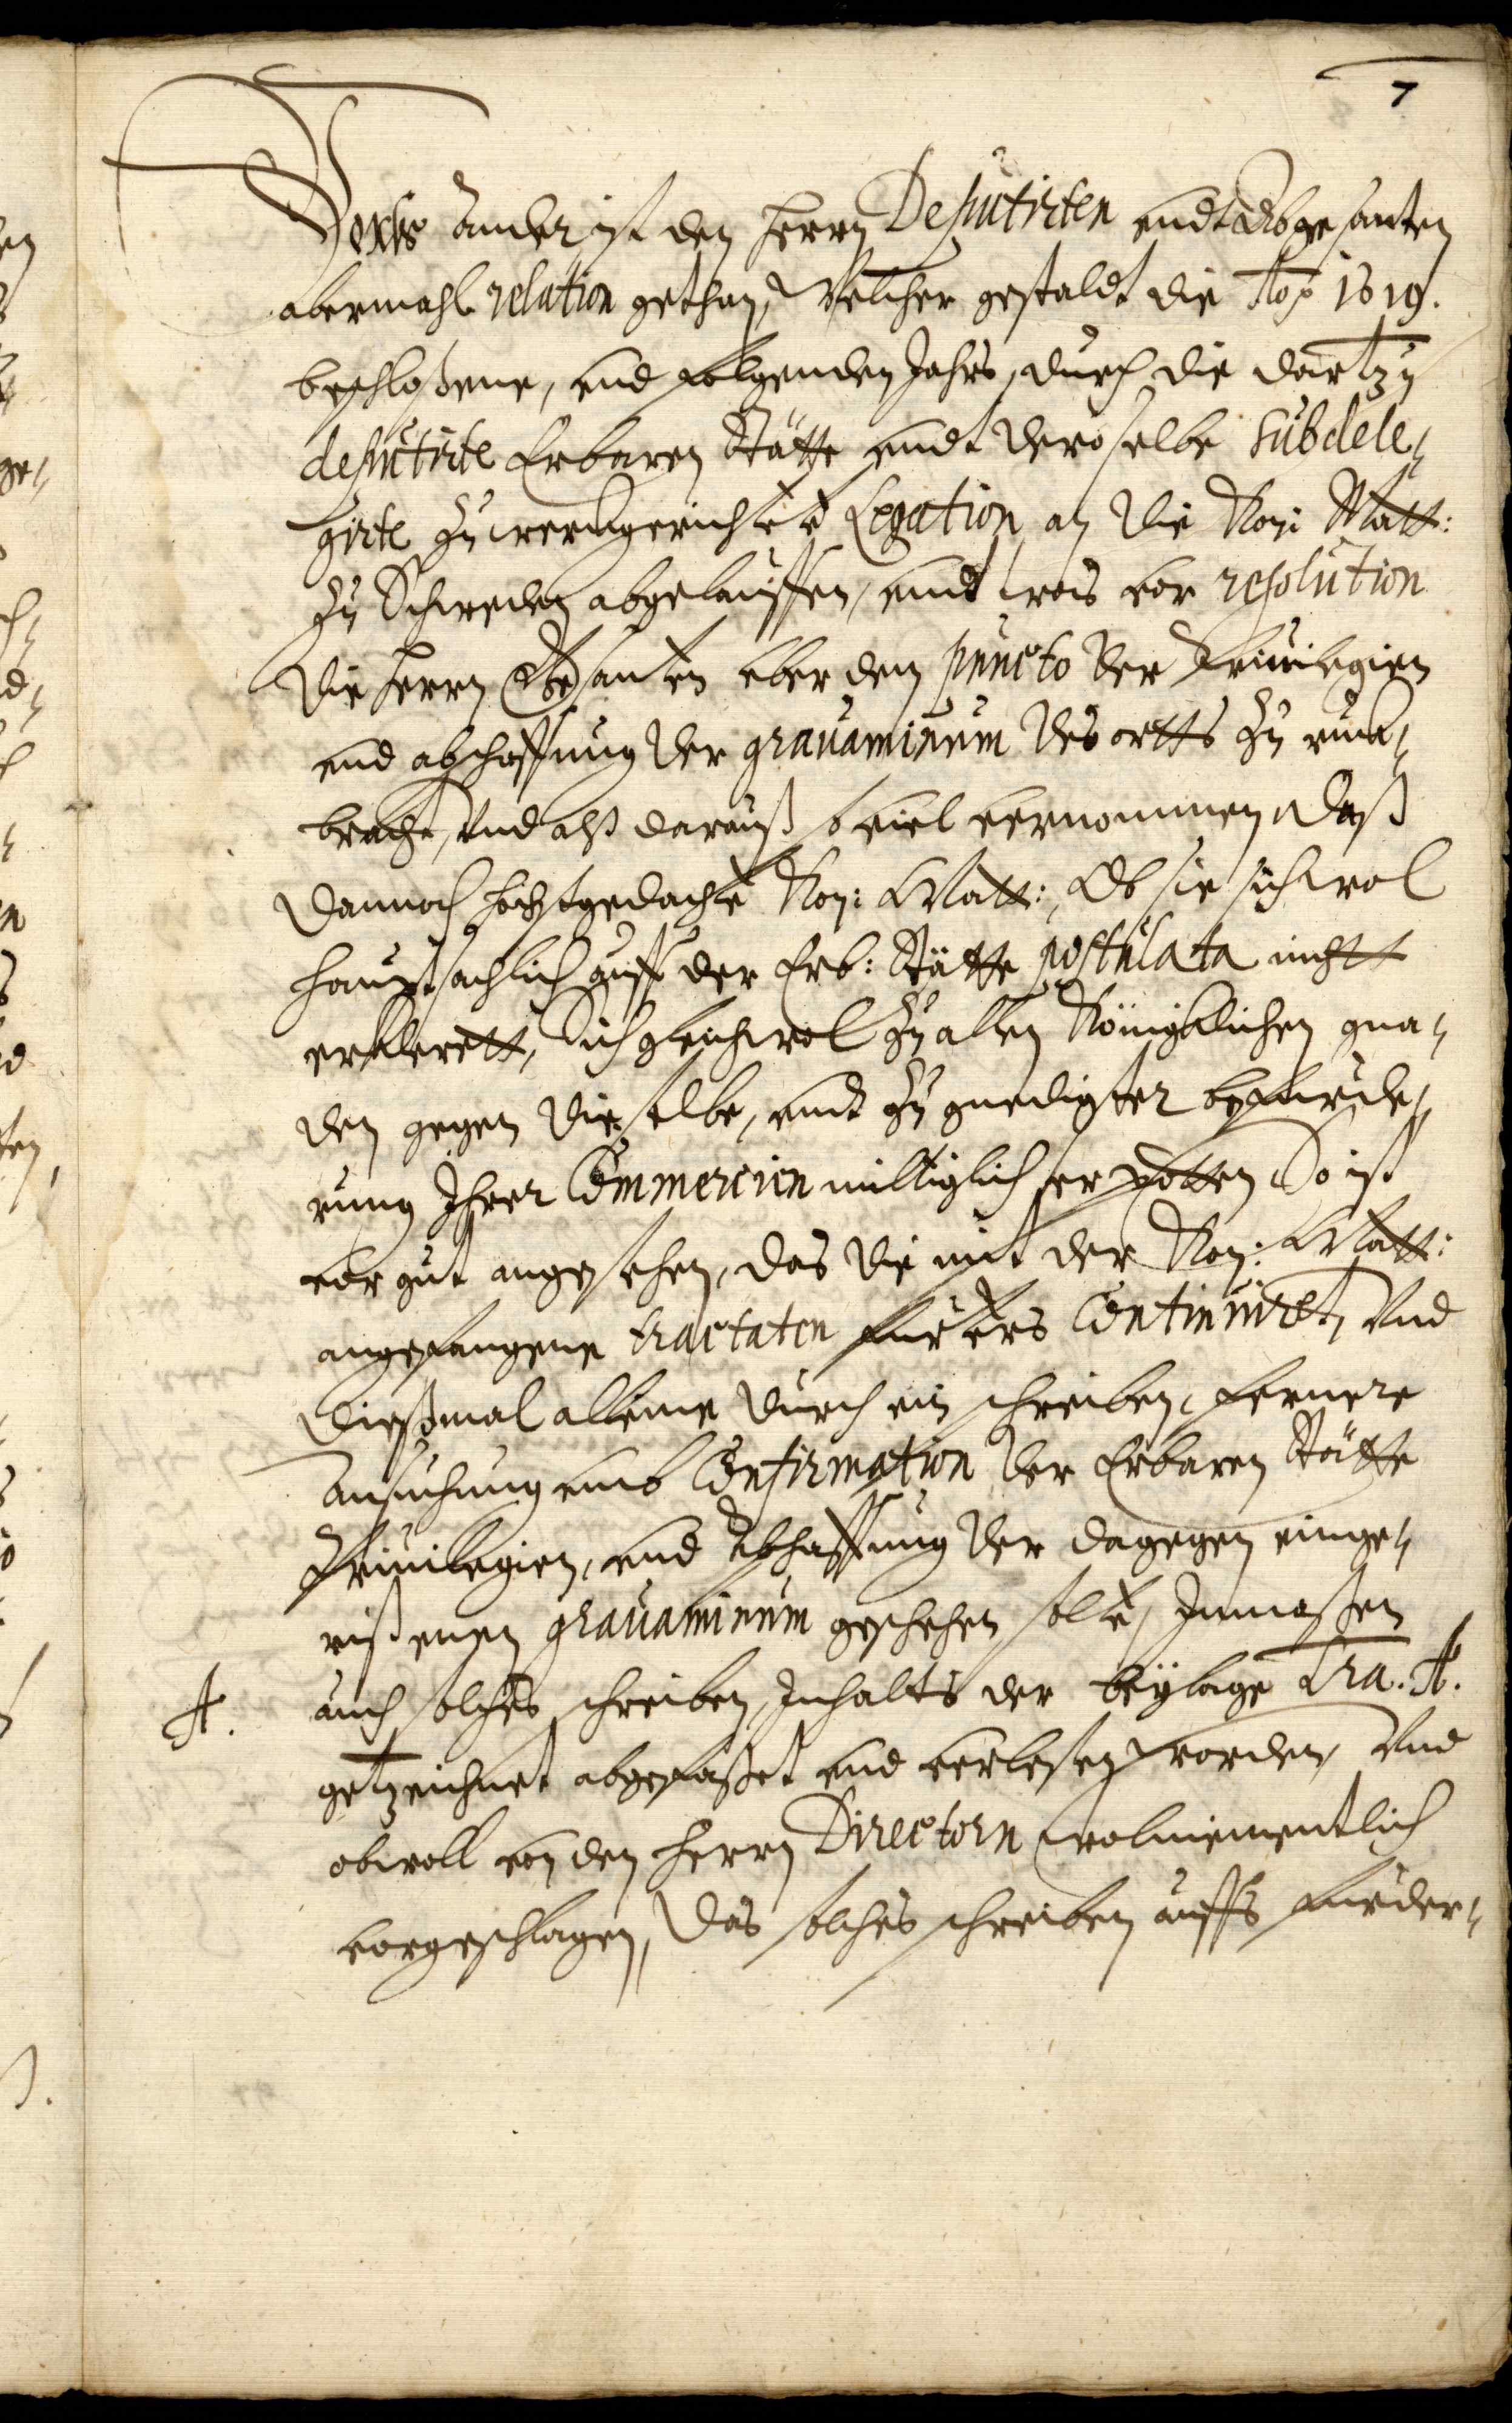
7
A.
Vorss Ander ist den herrn Deputirten vndt Abgesanten
abermahl relation gethan, Welcher gestaldt die Aō p i619.
beschloßene, vnd folgenden Iahres, durch die dartzu
deputirte Erbaren Stätte vndt dero selbe subdele¬
girte Zu werkgerichtete Legation an die Kon: Matt:
Zu Schweden abgelauffen, vnd was vor resolution
die Herrn Gesanten vber den puncto der Privilegien
vnd abschaffung der grauaminum des ortts Zu ruck¬
bracht, Vnd als darauß so viel vernommen daß
dannoch hochstgedachte Kon: Matt:, Ob sie sich wol
hauptsachlich auff der Erb:Stätte postulata nichtt
erklerett, Sich gleichwol Zu allen Königlichen gna¬
den gegen dieselbe, vndt Zu gnedigster befurde¬
rung Ihrer Commercia miltiglich erpotten, So ist
vor gut angesehen, das die mit der Kon:Matt:
angefangene tractaten furters continuiret, Vnd
dießmal alleine durch ein schreiben, fernere
ansuchung vmb Confirmation der Erbaren Stätte
Privilegien, vnd Abschaffung der dagegen einge¬
rißenen grauamirum geschehen solte, Inmaßen
auch solches schreiben, Inhalts der beijlage Tra. A.
getzeichnet abgefaßet vnd verlesen worden, Vnd
obwoll von den herrn Directorn wolmeinentlich
vorgeschlagen, das solches schreiben auffs furder¬
